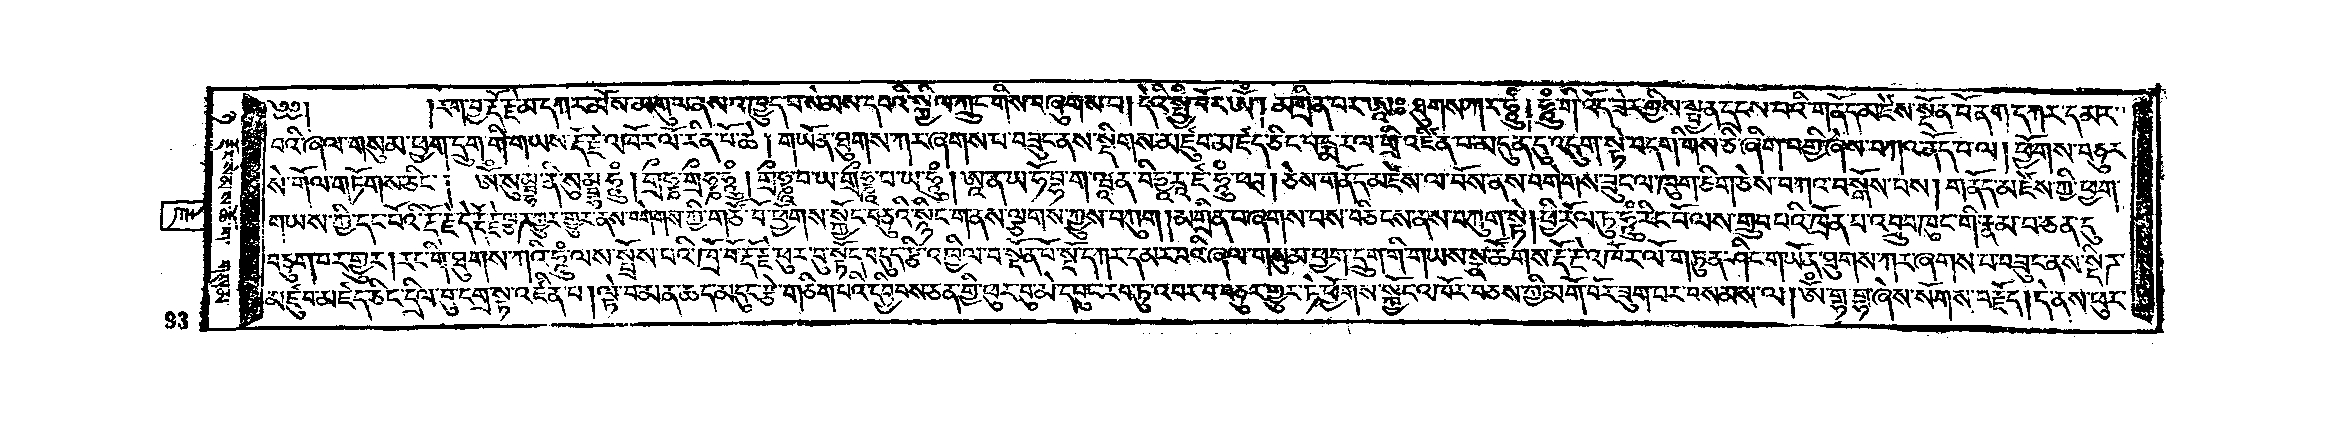༄༅། །རེག་བྱ་རྡོ་རྗེ་མ་དཀར་མོས་མགུལ་ནས་འཁྱུད་པ་སེམས་དཔའི་སྐྱིལ་ཀྲུང་གིས་བཞུགས་པ། དེའི་སྤྱི་བོར་ཨོཾ། མགྲིན་པར་ཨཱཿ ཐུགས་ཀར་ཧཱུཾ། ཧཱུཾ་གི་འོད་ཟེར་གྱིས་སྤྱན་དྲངས་པའི་གནོད་མཛེས་སྔོན་པོ་ནག་དཀར་དམར་
བའི་ཞལ་གསུམ་ཕྱག་དྲུག་གི་གཡས་རྡོ་རྗེ་འཁོར་ལོ་རིན་པོ་ཆེ། གཡོན་ཐུགས་ཀར་ཞགས་པ་བཟུང་ནས་སྡིགས་མཛུབ་མཛད་ཅིང་པདམ་རལ་གྲི་འཛིན་པ་མདུན་དུ་འདུག་སྟེ་བདག་གིས་ཅི་ཞིག་བགྱི་ཞེས་བཀའ་ནོད་པ་ལ། ཕྱོགས་བཅུར་
སེ་གོལ་གཏོགས་ཅིང་། ཨོཾ་སུམྦྷ་ནི་སུམྦྷ་ཧཱུཾ། གྲྀཧྞ་གྲྀཧྞ་ཧཱུཾ། གྲྀཧྞཱ་བ་ཡ་གྲྀཧྞཱ་པ་ཡ་ཧཱུཾ། ཨཱ་ན་ཡ་ཧོ་བྷ་ག་ཝཱན་བིཧྱཱ་རཱ་ཛ་ཧཱུཾ་ཕཊ། ཅེས་གནོད་མཛེས་ལ་བོས་ནས་བགེགས་ཟུང་ལ་ཁུག་ཅིག་ཅེས་བཀའ་བསྒོས་པས། གནོད་མཛེས་ཀྱི་ཕྱག་
གཡས་ཀྱི་དང་པོའི་རྡོ་རྗེ་དེ་རྡོ་རྗེ་ལྕགས་ཀྱུར་གྱུར་ནས་བགེགས་ཀྱི་གཙོ་བོ་ཕྱོགས་སྐྱོང་བཅུའི་སྙིང་ག་ནས་ལྕགས་ཀྱུས་བཀུག །མགྲིན་པ་ཞགས་པས་བཅིངས་ནས་བཀུག་སྟེ། ཕྱི་རོལ་ཏུ་ཧཱུཾ་རིང་པོ་ལས་གྲུབ་པའི་ཁྲོན་པ་འབྲུབ་ཁུང་གི་རྣམ་པ་ཅན་དུ་
བཅུག་པར་གྱུར། རང་གི་ཐུགས་ཀའི་ཧཱུཾ་ལས་སྤྲོས་པའི་ཁྲོ་བོ་རྡོ་རྗེ་ཕུར་བུ་སྟོད་བདུད་རྩི་འཁྱིལ་བ་སྔོན་པོ་སྔོ་དཀར་དམར་བའི་ཞལ་གསུམ་ཕྱག་དྲུག་གི་གཡས་སྣ་ཚོགས་རྡོ་རྗེ་འཁོར་ལོ་གཏུན་ཤིང་གཡོན་ཐུགས་ཀར་ཞགས་པ་བཟུང་ནས་སྡིགས་
མཛུབ་མཛད་ཅིང་དྲིལ་བུ་དགྲ་སྟ་འཛིན་པ། ལྟེ་བ་མན་ཆད་མདུད་རྩེ་གཅིག་པའི་དབྱིབས་ཅན་གྱི་ཕུར་བུ་མེ་དཔུང་རབ་ཏུ་འབར་བ་བཅུར་གྱུར་ཏེ་ཕྱོགས་སྐྱོང་འཁོར་བཅས་ཀྱི་མགོ་བོར་ཟུག་པར་བསམས་ལ། ཨོཾ་གྷ་གྷ་ཞེས་སོགས་བརྗོད། དེ་ནས་ཕུར་